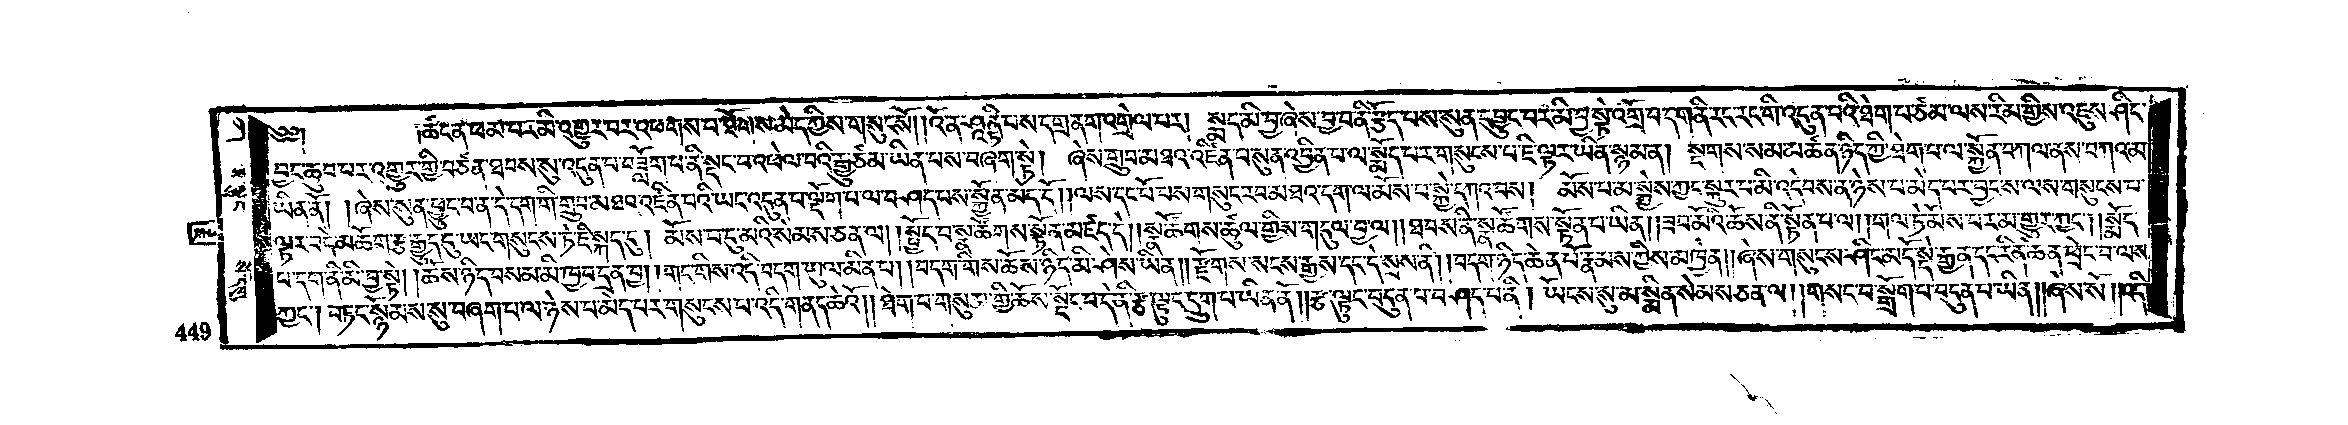༄༅། །ཚང་ན་ཕམ་པར་མི་འགྱུར་བར་འཕགས་པ་ཐོགས་མེད་ཀྱིས་གསུངས་སོ། །འོ་ན་ཤཱནྟི་པས་དགྲ་ནག་འགྲེལ་པར། སྨད་མི་བྱ་ཞེས་བྱ་བ་ནི་རྩོད་པས་སུན་དབྱུང་བར་མི་བྱ་སྟེ་འགྲོ་བ་དག་ནི་རང་རང་གི་འདུན་པའི་ཐེག་པ་ཙམ་ལས་རིམ་གྱིས་འཇུས་ཤིང་
བྱང་ཆུབ་པར་འགྱུར་གྱི་བཙན་ཐབས་སུ་འདུན་པ་བཟློག་པ་ནི་སྡང་བ་འཕེལ་བའི་རྒྱུ་ཙམ་ཡིན་པས་བཞག་སྟེ། ཞེས་གྲུབ་མཐའ་འཛིན་པ་སུན་འབྱིན་པ་ལ་སྨོད་པར་གསུངས་པ་ཇི་ལྟར་ཡིན་སྙམ་ན། སྔགས་སམ་མཚན་ཉིད་ཀྱི་ཐེག་པ་ལ་སྐྱོན་བཀལ་ནས་བཀའ་མ་
ཡིན་ནོ། །ཞེས་སུན་ཕྱུང་བ་ན་དེ་དག་གི་གྲུབ་མཐའ་འཛིན་པའི་ཡང་འདུན་པ་ལྡོག་པ་ལ་བཤད་པས་སྐྱོན་མེད་དོ། །ལས་དང་པོ་པས་གསུང་རབ་མཐའ་དག་ལ་མོས་པ་སྐྱེ་དཀའ་བས། མོས་པ་མ་སྐྱེས་ཀྱང་སྐུར་པ་མི་འདེབས་ན་ཉེས་པ་མེད་པར་བྱང་ས་ལས་གསུངས་པ་
ལྟར་བདེ་མཆོག་རྩ་རྒྱུད་དུ་ཡང་གསུངས་ཏེ་ཇི་སྐད་དུ། མོས་པ་དུ་མའི་སེམས་ཅན་ལ། །སྤྱོད་པ་སྣ་ཚོགས་སྟོན་མཛད་དེ། །སྣ་ཚོགས་ཚུལ་གྱིས་གདུལ་བྱ་ལ། །ཐབས་ནི་སྣ་ཚོགས་སྟོན་པ་ཡིན། །ཟབ་མོའི་ཆོས་ནི་སྟོན་པ་ལ། །གལ་ཏེ་མོས་པར་མ་གྱུར་ཀྱང་། །སྨོད་
པ་དག་ནི་མི་བྱ་སྟེ། །ཆོས་ཉིད་བསམ་མི་ཁྱབ་དྲན་བྱ། །གང་གིས་འདི་བདག་ཡུལ་མིན་པ། །བདག་གིས་ཆོས་ཉིད་མི་ཤེས་ཡིན། །རྫོགས་སངས་རྒྱས་དང་དེ་སྲས་ནི། །བདག་ཉིད་ཆེན་པོ་རྣམས་ཀྱིས་མཁྱེན། །ཞེས་གསུངས་ཤིང་མདོ་སྡེ་རྒྱན་དང་རིན་ཆེན་ཕྲེང་བ་ལས་
ཀྱང་། བཏང་སྙོམས་སུ་བཞག་པ་ལ་ཉེས་པ་མེད་པར་གསུངས་པ་འདི་གནད་ཆེའོ། །ཐེག་པ་གསུམ་གྱི་ཆོས་སྡོང་བ་དེ་ནི་རྩ་ལྟུང་དྲུག་པ་ཡིན་ནོ། །རྩ་ལྟུང་བདུན་པ་བཤད་པ་ནི། ཡོངས་སུ་མ་སྨིན་སེམས་ཅན་ལ། །གསང་བ་སྒྲོག་པ་བདུན་པ་ཡིན། །ཞེས་སོ། །འདི་